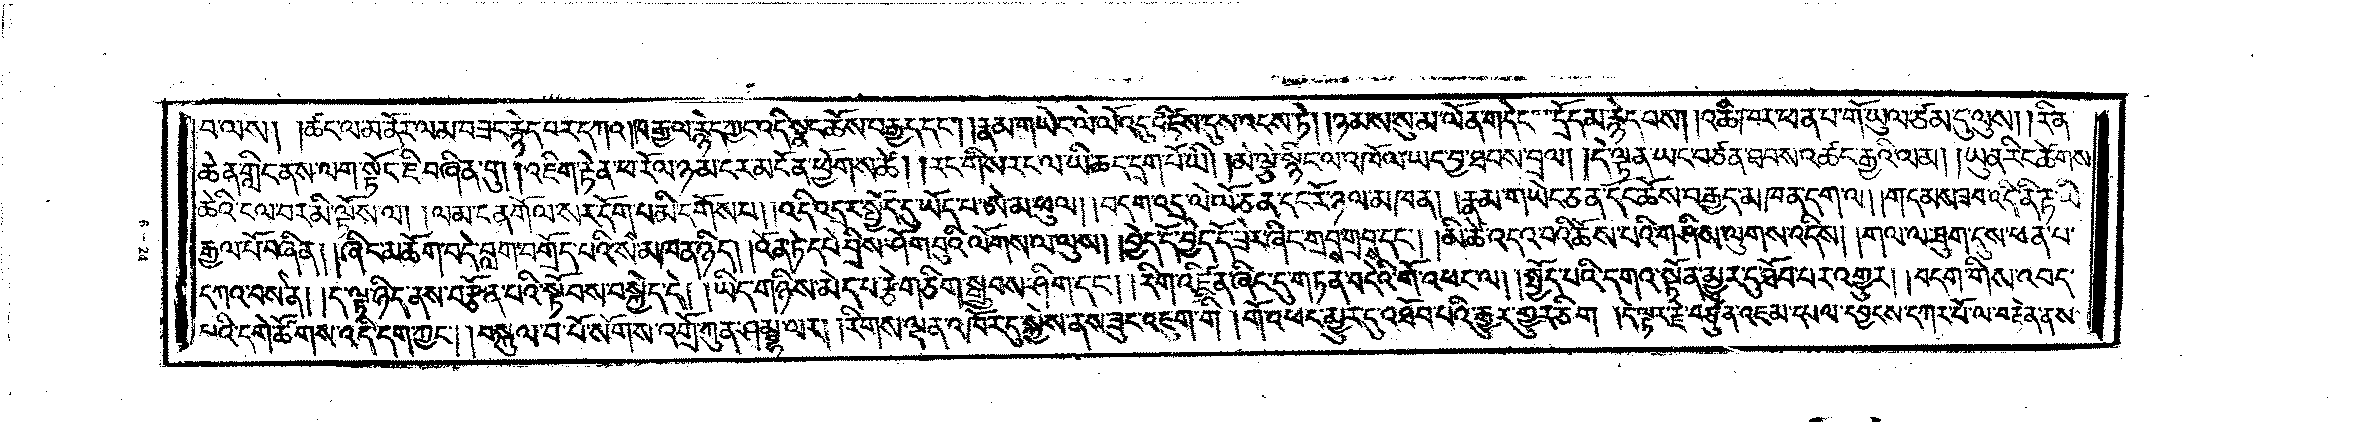བ་ལས། །ཚང་ལ་མ་ནོར་ལམ་བཟང་རྙེད་བར་དཀའ། ཁ་རྒྱ་ལ་རྙེད་ཀྱང་འདི་སྣང་ཆོས་བརྒྱད་དང་། །རྣམ་གཡེང་ལེ་ལོ་འདུ་འཛིས་དུས་འདས་ཏེ། །ཉམས་སུ་མ་ལོན་གདེང་དྲོད་མ་རྙེད་བས། །འཆི་ཁར་ཕན་པ་གོ་ཡུལ་ཙམ་དུ་ལུས། །རིན་
ཆེན་གླིང་ནས་ལག་སྟོང་ཇི་བཞིན་བུ། །འཇིག་རྟེན་ཕ་རོལ་ཉམ་ངར་མངོན་ཕྱོགས་ཚེ། །རང་གིས་རང་ལ་ཡི་ཆད་དྲག་པོ་ཡི། །མེ་ལྕེ་སྙིང་ལ་འཁོལ་ཡང་བྱ་ཐབས་བྲལ། །དེ་ལྟ་ན་ཡང་བཙན་ཐབས་འཚང་རྒྱའི་ལམ། །ཡུན་རིང་ཚེགས་
ཆེའི་ངལ་བར་མི་ལྟོས་ལ། །ལམ་ངན་གོལ་སར་དོག་པ་མི་དགོས་པ། །འདི་འདྲར་སྤྱོད་དུ་ཡོད་པ་ཨེ་མ་ཕུལ། །བདག་འདྲ་ལེ་ལོ་ཅན་དང་རོ་ཉལ་མཁན། །རྣམ་གཡེང་ཅན་དང་ཆོས་བརྒྱད་མཁན་དག་ལ། །གདམས་ཟབ་འདི་ནི་རྟ་ཡི་
རྒྱལ་པོ་བཞིན། །ཞིང་མཆོག་བདེ་བླག་བགྲོད་པའི་ས་མཁན་ཉིད། །འོན་ཏེ་དཔེ་བྲིས་ཤོག་བུའི་ལོགས་ལ་ལུས། །བྱེད་དོ་བྱེད་དོ་ཟེར་ཞིང་གྲབས་གྲབས་དང་། །མི་ཚེ་འདའ་བའི་ཆོས་པའི་གཤིས་ལུགས་འདིས། །གལ་ལ་ཐུག་དུས་ཕན་པ་
དཀའ་བས་ནི། །ད་ལྟ་ཉིད་ནས་བརྩོན་པའི་སྟོབས་བསྐྱེད་དེ། །ཡིད་གཉིས་མེད་པ་རྩེ་གཅིག་སྒྲུབས་ཤིག་དང་། །རིག་འཛིན་ཞིང་དུ་གཏན་བདེའི་གོ་འཕང་ལ། །སྤྱོད་པའི་དགའ་སྟོན་མྱུར་དུ་ཐོབ་པར་འགྱུར། །བདག་གིས་འབད་
པའི་དགེ་ཚོགས་འདི་དག་ཀྱང་། །བསྐུལ་བ་པོ་སོགས་འགྲོ་ཀུན་ཤམྦྷ་ལར། །རིགས་ལྡན་འཁོར་དུ་སྐྱེས་ནས་ཟུང་འཇུག་གི །གོ་འཕང་མྱུར་དུ་འཐོབ་པའི་རྒྱུར་གྱུར་ཅིག །དེ་ལྟར་རྗེ་བཙུན་འཇམ་དཔལ་དབྱངས་དཀར་པོ་ལ་བརྟེན་ནས་